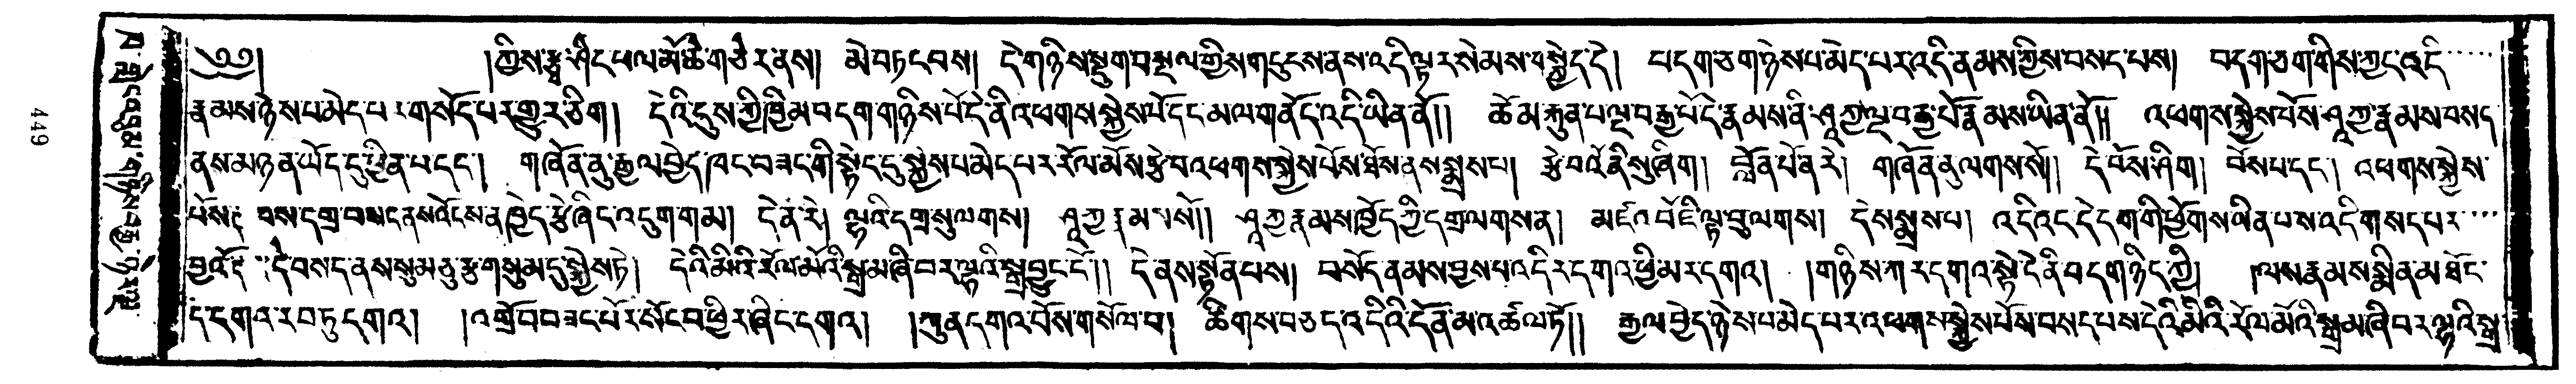༄༅། །ཀྱིས་རྩྭ་ཤིང་ཕལ་མོ་ཆེ་གཅེར་ནས། མེ་བཏང་བས། དེ་གཉིས་སྡུག་བསྔལ་གྱིས་གདུངས་ནས་འདི་ལྟར་སེམས་བསྐྱེད་དེ། བདག་ཅག་ཉེས་པ་མེད་པར་འདི་རྣམས་ཀྱིས་བསད་པས། བདག་ཅག་གིས་ཀྱང་འདི་
རྣམས་ཉེས་པ་མེད་པར་གསོད་པར་གྱུར་ཅིག །དེའི་དུས་ཀྱི་ཁྱིམ་བདག་གཉིས་པོ་དེ་ནི་འཕགས་སྐྱེས་པོ་དང་མ་ལ་གནོད་འདི་ཡིན་ནོ། །ཆོམ་རྐུན་པ་ལྔ་བརྒྱ་པོ་དེ་རྣམས་ནི་ཤཱཀྱ་ལྔ་བརྒྱ་པོ་རྣམས་ཡིན་ནོ། །འཕགས་སྐྱེས་པོས་ཤཱཀྱ་རྣམས་བསད་
ནས་མཉན་ཡོད་དུ་ཕྱིན་པ་དང་། གཞོན་ནུ་རྒྱལ་བྱེད་ཁང་བཟང་གི་སྟེང་དུ་སྐྱེས་པ་མེད་པར་རོལ་མོས་རྩེ་བ་འཕགས་སྐྱེས་པོས་ཐོས་ནས་སྨྲས་པ། རྩེ་བའོ་ནི་སུ་ཞིག། བློན་པོ་ན་རེ། གཞོན་ནུ་ལུགས་སོ། །དེ་བོས་ཤིག །བོས་པ་དང་། འཕགས་སྐྱེས་
པོས༑ བས་དགྲ་བསད་ནས་འོངས་ན་ཁྱེད་རྩེ་ཞིང་འདུག་གམ། དེ་ན་རེ། ལྷའི་དགྲ་སུ་ལགས། ཤཱཀྱ་རྣམས་སོ། །ཤཱཀྱ་རྣམས་ཁྱོད་ཀྱི་དགྲ་ལགས་ན། མཛའ་བོ་ཇི་ལྟ་བུ་ལགས། དེས་སྨྲས་པ། འདི་འང་དེ་དག་གི་ཕྱོགས་ཡིན་པས་འདི་གསད་པར་
བྱའོ༑ ༑དེ་བསད་ནས་སུམ་ཅུ་རྩ་གསུམ་དུ་སྐྱེས་ཏེ། དེའི་མིའི་རོལ་མོའི་སྒྲ་མ་ཞི་བར་ལྷའི་སྒྲ་བྱུང་ངོ། །དེ་ནས་སྟོན་པས། བསོད་ནམས་བྱས་པ་འདིར་དགའ་ཕྱི་མར་དགའ། །གཉིས་ཀར་དགའ་སྟེ་དེ་ནི་བདག་ཉིད་ཀྱི། །ལས་རྣམས་སྨིན་མཐོང་
དེ་དགའ་རབ་ཏུ་དགའ། །འགྲོ་བ་བཟང་པོར་སོང་བ་ཕྱིར་ཞིང་དགའ། །ཀུན་དགའ་བོས་གསོལ་བ། ཚིགས་བཅད་འདིའི་དོན་མ་འཚལ་ཏོ། །རྒྱལ་བྱེད་ཉེས་པ་མེད་པར་འཕགས་སྐྱེས་པོས་བསད་པས་དེའི་མིའི་རོལ་མོའི་སྒྲ་མ་ཞི་བར་ལྷའི་སྒྲ་